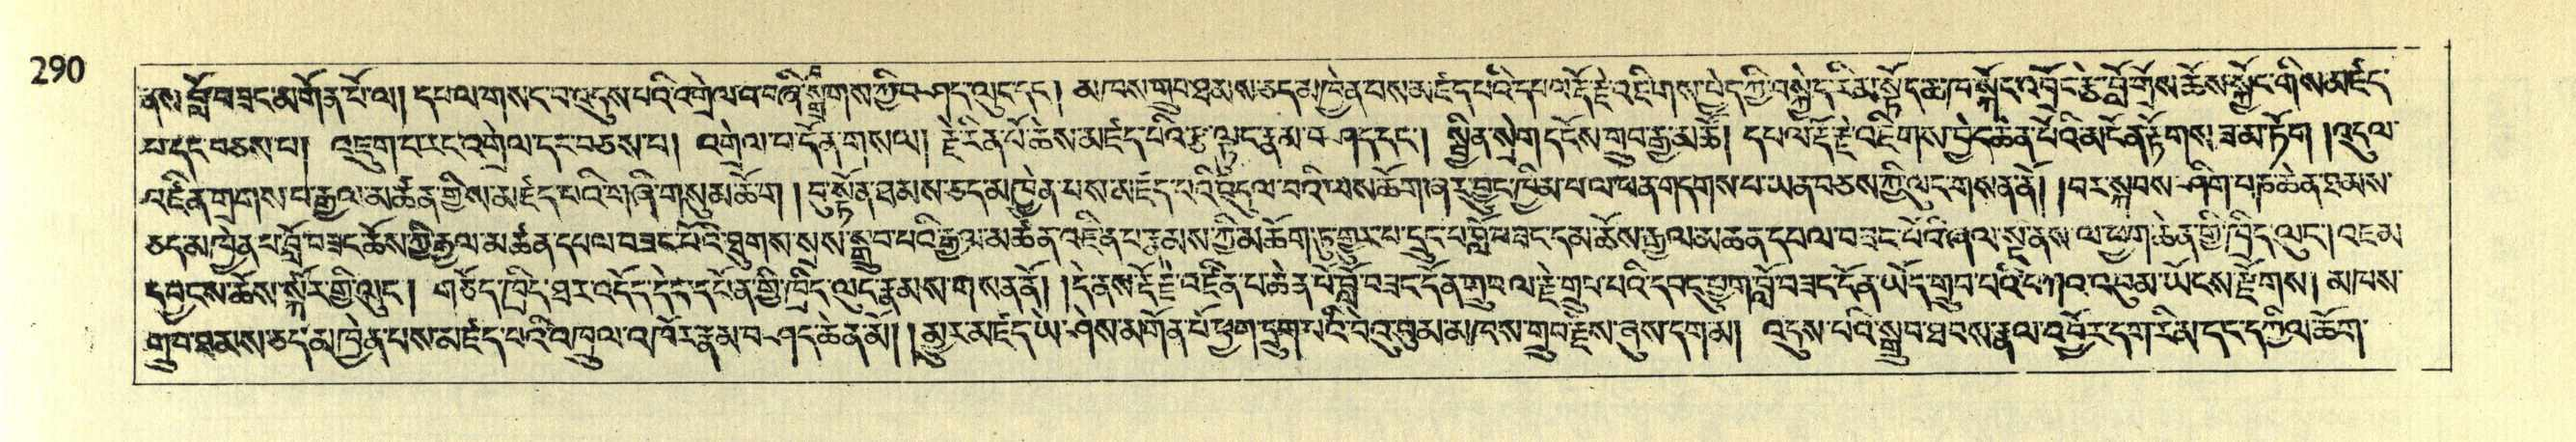ནས་བློ་བཟང་མགོན་པོ་ལ། དཔལ་གསང་བ་འདུས་པའི་འགྲེལ་བ་བཞི་བ་སྒྲགས་ཀྱི་བཤད་ལུང་དང་། མཁས་གྲུབ་ཐམས་ཅད་མཁྱེན་པས་མཛད་པའི་དཔལ་རྡོ་རྗེ་འཇིགས་བྱེད་ཀྱི་བསྐྱེད་རིམ་སྟོད་ཆ་ཁ་སྐོང་འབྲོང་རྩེ་བློ་གྲོས་ཆོས་སྐྱོང་གིས་མཛད་
པ་དང་བཅས་པ། འཇུག་པ་རང་འགྲེལ་དང་བཅས་པ། འགྲེལ་པ་དོན་གསལ། རྗེ་རིན་པོ་ཆེས་མཛད་པའི་རྩ་ལྟུང་རྣམ་བཤད་དང་། སྦྱིན་སྲེག་དངོས་གྲུབ་རྒྱ་མཚོ། དཔལ་རྡོ་རྗེ་འཇིགས་བྱེད་ཆེན་པོའི་མངོན་རྟོགས་ཟ་མ་ཏོག །འདུལ་
འཛིན་གྲགས་པ་རྒྱལ་མཚན་གྱིས་མཛད་པའི་གཞི་གསུམ་ཆོ་ག །བུ་སྟོན་ཐམས་ཅད་མཁྱེན་པས་མཛད་པའི་འདུལ་བའི་ལས་ཆོག་ཞར་བྱུང་ཁྱིམ་པ་ལ་ཕན་གདགས་པ་ཡན་བཅས་ཀྱི་ལུང་གསན་ནོ། །བར་སྐབས་ཤིག་པཎ་ཆེན་ཐམས་
ཅད་མཁྱེན་པ་བློ་བཟང་ཆོས་ཀྱི་རྒྱལ་མཚན་དཔལ་བཟང་པོའི་ཐུགས་སྲས་སྒྲུབ་པའི་རྒྱལ་མཚན་འཛིན་པ་རྣམས་ཀྱི་མཆོག་ཏུ་གྱུར་པ་དྲུང་པ་བློ་བཟང་དམ་ཆོས་རྒྱལ་མཆན་དཔལ་བཟང་པོའི་ཞལ་སྔ་ནས་ལ་ཕྱག་ཆེན་གྱི་ཁྲིད་ལུང་། འཇམ་
དབྱངས་ཆོས་སྐོར་གྱི་ལུང་། གཅོད་ཁྲིད་ཐར་འདོད་དེང་དཔོན་གྱི་ཁྲིད་ལུང་རྣམས་གསན་ནོ། །དེ་ནས་རྡོ་རྗེ་འཛིན་པ་ཆེན་པོ་བློ་བཟང་དོན་གྲུབ་ལ་རྗེ་གྲུབ་པའི་དབང་ཕྱུག་བློ་བཟང་དོན་ཡོད་གྲུབ་པའི་བཀའ་འབུམ་ཡོངས་རྫོགས། མཁས་
གྲུབ་ཐམས་ཅད་མཁྱེན་པས་མཛད་པའི་འཁྲུལ་འཁོར་རྣམ་བཤད་ཆེན་མོ། །མྱུར་མཛད་ཡེ་ཤེས་མགོན་པོ་ཕྱག་དྲུག་པའི་བེའུ་བུམ་མཁས་གྲུབ་རྗེས་ཞུས་དག་མ། འདུས་པའི་སྒྲུབ་ཐབས་རྣལ་འབྱོར་དག་རིམ་དང་དཀྱིལ་ཆོག་